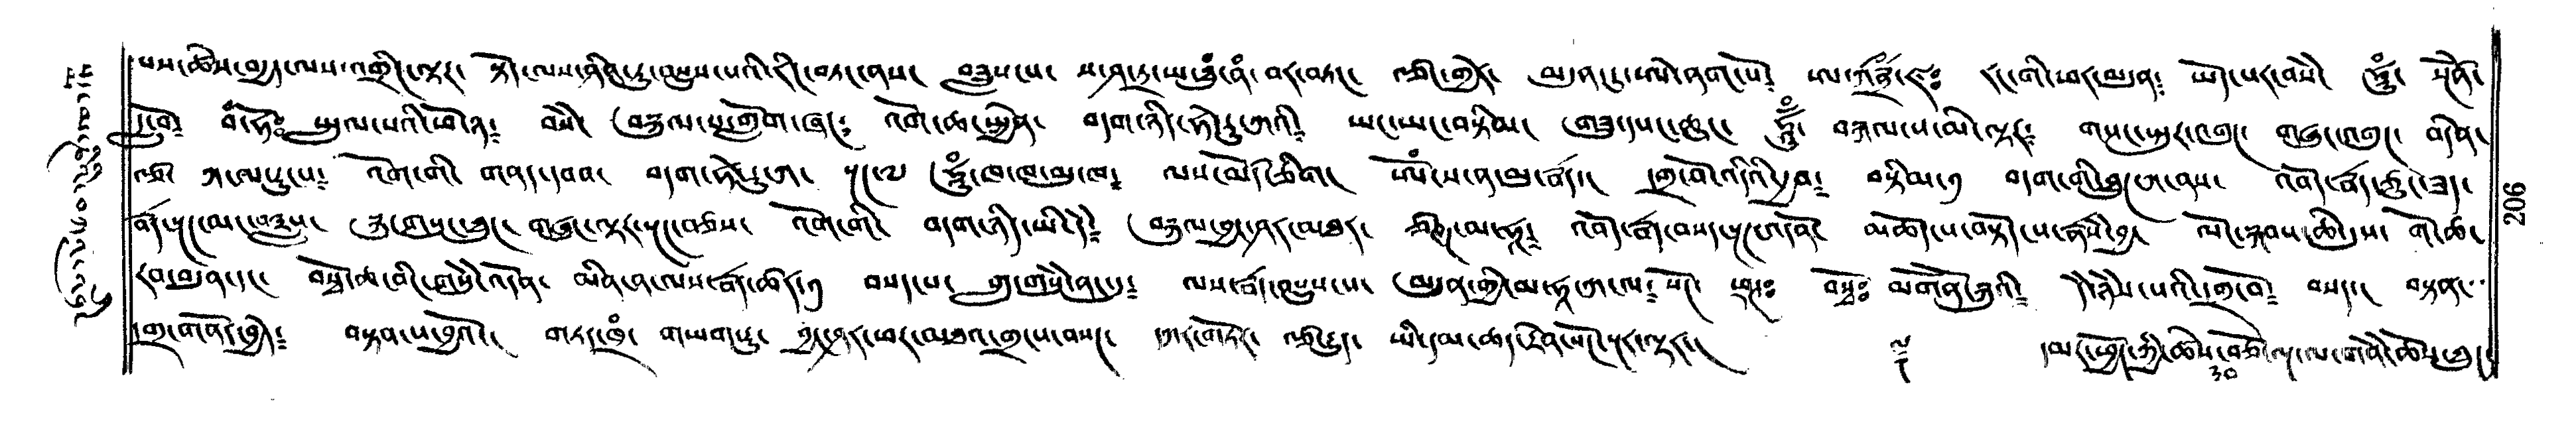པ་ཚེས་བརྒྱད་ལས་འགྲིགས་ལྟར། སྟོད་ལས་ཤིན་ཏུ་བསྡུས་པའི་རིགས་བཏང་ནས། བཟླས་པ། ས་ཤ་ཏྲ་ཡ་ཐུཾ་ནན༴ བར་གཏང་། རྩང་གྱེར། མདུན་དུ་ཨེ་ནག་པོ༴ ཨ་ནྲྀ་ཛཿ རང་གི་ཕར་མདུན༴ ཡོད་པར་བསམ༴ ཧཱུཾ༔ སྔོན་ཚེ་
དངོས་གྲུབ༴ བཾ་ཧོཿ སྤྲུལ་པའི་ཕོ་ཉ༴ བསམ༴ སྐ ུལ་པ་གློག་ཞགས། འོག་ཆ་སྤྱན་འདྲེན། བདག་ཉིད་ཧེ་རུ་ཀའི༴ ཡང་ཡང་བསྟིམ། གཟུ་དཔང་ཆུང་བ། ཧཱུྃ༔ བསྐལ་པ་མེ་ལྟར༴ གསང་སྤུར་འགུགས། གཞུང་འགུགས། བདེན་
རྩ། ཀ་ལ་རུ་པ༴ འོག་གི གནད་དབབ། བདག་ཧེ་རུ་ཀ༴ སྔགས་བདུན། ཧཱུྃ་ཁ་ཁ་མུ་ཁ༴ ལས་མཛོད་ཅིག༔ ཨོཾ་ས་ན་མུ་རྦད༔ དགྲ་བོ་འདིའི་རྒྱབ༴བསྟིམ། བདག་གི་ཐུགས་ཀ་ནས༴ འབོད་རྦད་ཅུང་ཟད། 
རྦད་སྔགས་མང་བཟླས། སྐུ་གསུང་ཐུགས། གཞུང་ལྟར་སྔགས་བཅས། འོག་གི བདག་ཉིད་ཡི་དམ༴ སྐུལ་བྱང་ཤར་མཐར། ཙཎྜ་མ་ཧཱ༴ འབོད་རྦད་བསད་སྔགས་འདོན། མཆོད་པ་བསྟོད་པ་རྣམས་བྱ། ལོང་སྐབས་ཆེ་དུས། གོ་ཆ་
རབ་བདུན་དང་། བསྭོ་ཆ་བིང་གསུམ་འདོན། མིན་ན་ལས་རྦད་ཚར་གཅིག བསད་པ། གྲུ་གསུམ་ནང་དུ༴ ལས་རྦད་བསྡུས་པ། མདུན་གྱི་མ་ཧཱ་ཀ་ལ༴ སོགས། ཕཊཿ བསྭོཿ མགོན་པོ་སྐུའི༴ དམ་ཉམས་པའི་དགྲ་བོ༴ བསད། བསྟན་
དགྲ་གནོད་བྱེད༴ བསྟབ་པ་བྱའོ། གཏད་ཁྲམ། གཡག་རུ། བྱང་ཤར་ཕ་མཐའ་གྲངས་གསོག དཀར་གཏོར། རྩ་རྒྱུད། ཡི་དམ་ཆད་བརྟན་སོགས་སྔར་ལྟར་རོ།། ༈ དམར་ཕྱོགས་ཀྱི་ཚེས་སུམ་ཅུ་ལྔ་ལ་གནམ་ཆོས་ཐུགས་